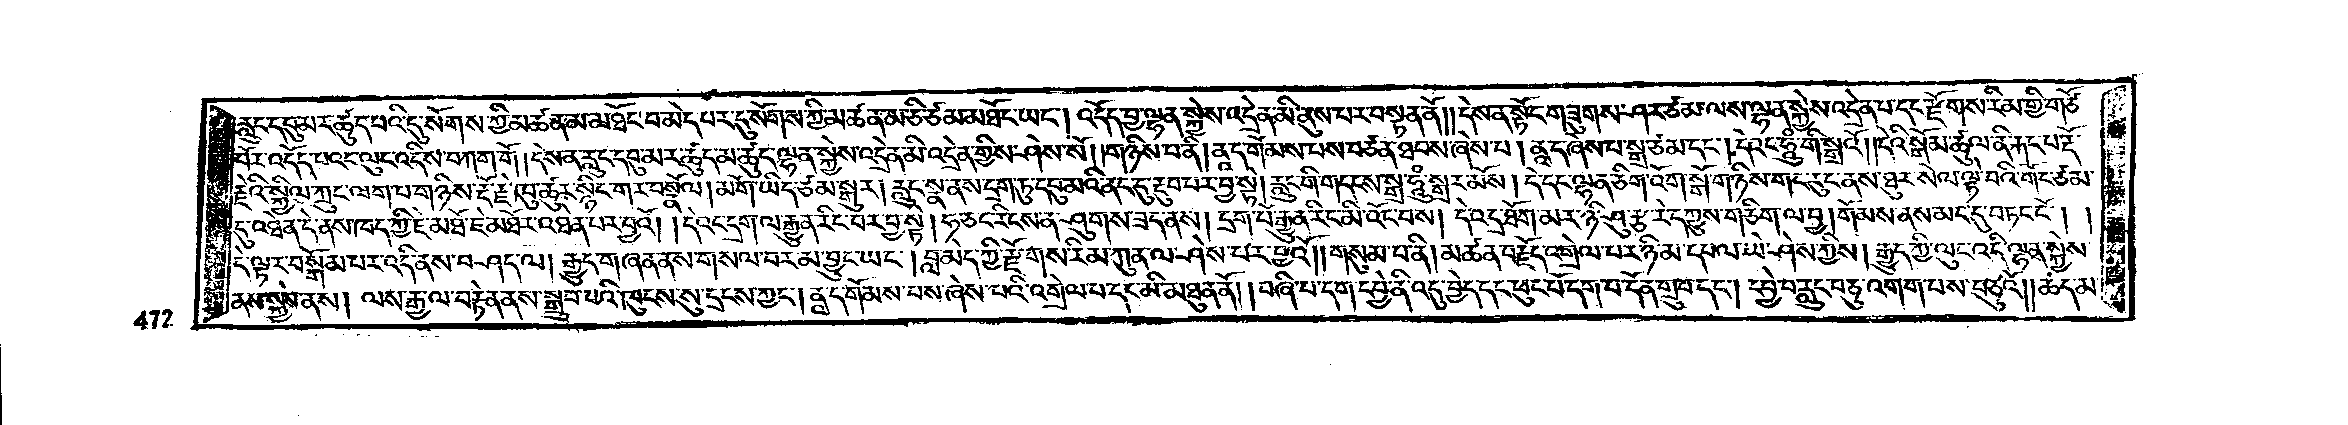རླུང་དབུ་མར་ཚུད་པའི་དུ་སོགས་ཀྱི་མཚན་མ་མཐོང་བ་མེད་པར་དུ་སོགས་ཀྱི་མཚན་མ་ཅི་ཙམ་མཐོང་ཡང་། འདོད་བྱ་ལྷན་སྐྱེས་འདྲེན་མི་ནུས་པར་བསྟན་ནོ། །དེས་ན་སྟོང་གཟུགས་ཤར་ཙམ་ལས་ལྷན་སྐྱེས་འདྲེན་པ་དང་རྫོགས་རིམ་གྱི་གཙོ་
བོར་འདོད་པའང་ལུང་འདིས་བཀག་གོ །དེས་ན་རླུང་དབུ་མར་ཚུད་མ་ཚུད་ལྷན་སྐྱེས་འདྲེན་མི་འདྲེན་གྱིས་ཤེས་སོ། །གཉིས་པ་ནི། ནཱ་ད་གོམས་པས་བཙན་ཐབས་ཞེས་པ། ནཱ་ད་ཞེས་པ་སྒྲ་ཙམ་དང་། དེའང་ཧཱུཾ་གི་སྒྲའོ། །དེའི་སྒོམ་ཚུལ་ནི་རྐང་པ་རྡོ་
རྗེའི་སྐྱིལ་ཀྲུང་ལག་པ་གཉིས་རྡོ་རྗེ་ཁུ་ཚུར་སྙིང་གར་བསྣོལ། མགོ་ཡིད་ཙམ་སྒུར། རླུང་སྣ་ནས་དྲག་ཏུ་དབུ་མའི་ནང་དུ་རྔུབ་པར་བྱ་སྟེ། རླུང་གི་གདངས་སྒྲ་ཧཱུཾ་སྒྲར་མོས། དེ་དང་ལྷན་ཅིག་འོག་སྒོ་གཉིས་གང་རུང་ནས་ཐུར་སེལ་ལྟེ་བའི་གོང་ཙམ་
དུ་འཐེན་དེ་ནས་ཁད་ཀྱི་ཇེ་མཐོ་ཇེ་མཐོར་འཐེན་པར་བྱའོ། །དེའང་དྲག་ལ་རྒྱུན་རིང་བར་བྱ་སྟེ། ཧ་ཅང་རིངས་ན་ཤུགས་ཟད་ནས། དྲག་པོ་རྒྱུན་རིང་མི་འོང་བས། དེ་འདྲ་ཐོག་མར་ཉི་ཤུ་རྩ་རེ་དཀྱུས་གཅིག་ལ་བྱ། གོམས་ནས་མང་དུ་བཏང་ངོ། །
དེ་ལྟར་བསྒོམ་པར་འདི་ནས་བཤད་ལ། རྒྱུད་གཞན་ནས་གསལ་བར་མ་བྱུང་ཡང་། བླ་མེད་ཀྱི་རྫོགས་རིམ་ཀུན་ལ་ཤེས་པར་བྱའོ། །གསུམ་པ་ནི། མཚན་བརྗོད་འགྲེལ་པར་ཉི་མ་དཔལ་ཡེ་ཤེས་ཀྱིས། རྒྱུད་ཀྱི་ལུང་འདི་ལྷན་སྐྱེས་
ནས་སྐྱེས་ནས། ལས་རྒྱ་ལ་བརྟེན་ནས་སྒྲུབ་པའི་ཁུངས་སུ་དྲངས་ཀྱང་། ནཱ་ད་གོམས་པས་ཞེས་པའི་འགྲེལ་པ་དང་མི་མཐུན་ནོ། །བཞི་པ་དག་དབྱེ་ནི་འདུ་བྱེད་དང་ཕུང་པོ་དག་པ་དོན་གྲུབ་དང་། དབྱེ་བ་རླུང་བཅུ་འགག་པས་བཅུའོ། །ཚད་མ་